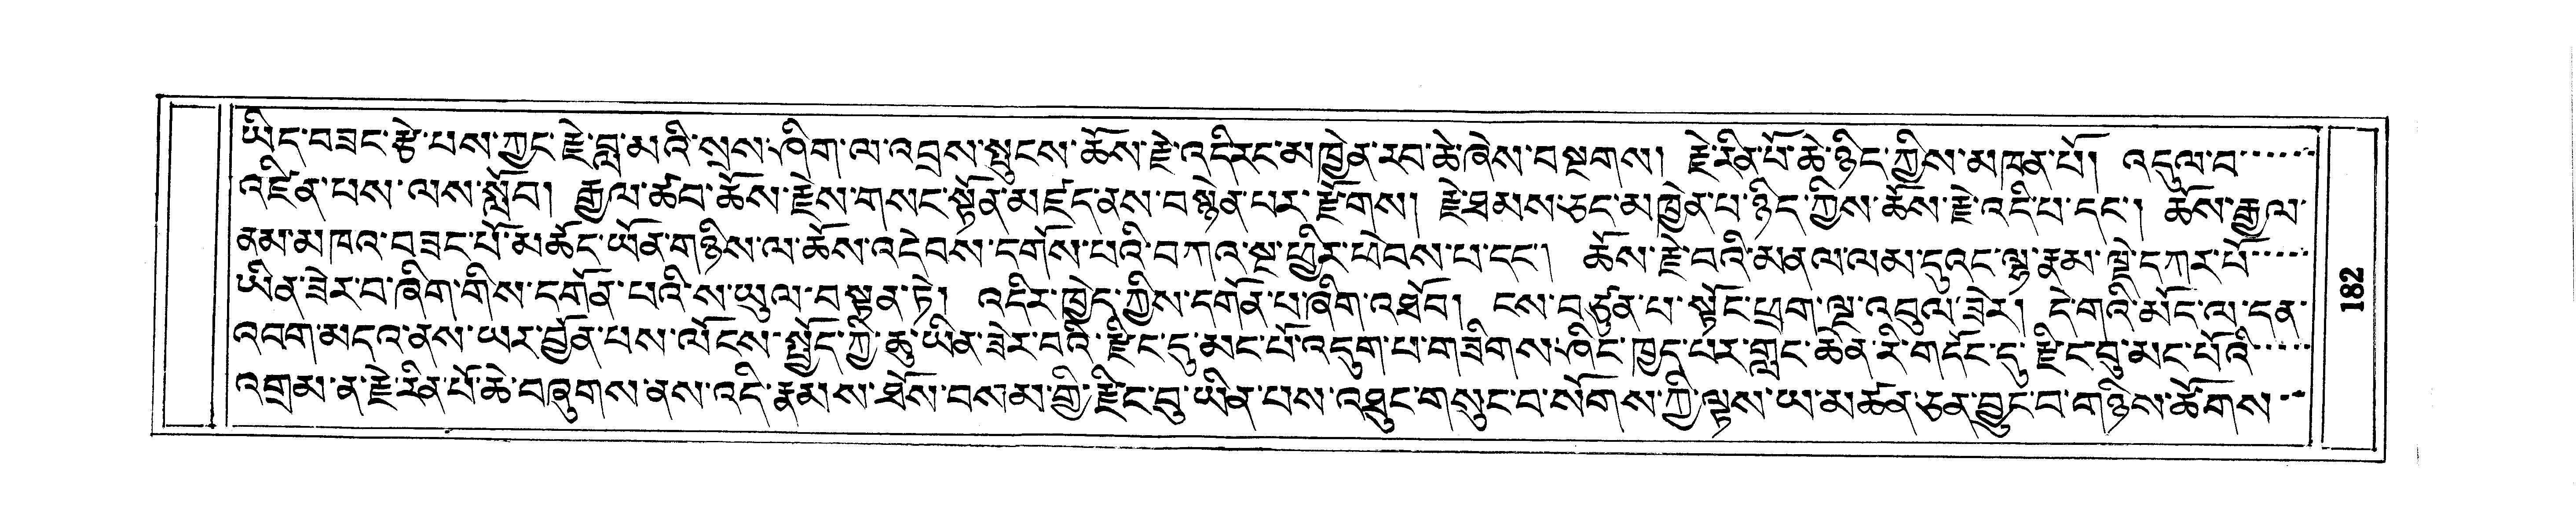ཡིད་བཟང་རྩེ་པས་ཀྱང་རྗེས་བླ་མའི་སྲས་ཤིག་ལ་འབྲས་སྤུངས་ཆོས་རྗེ་འདིར་རང་མཁྱེན་རབ་ཆེ་ཞེས་བསྔགས། རྗེ་རིན་པོ་ཆེ་ཉིད་ཀྱིས་མཁན་པོ། འདུལ་བ་
འཛིན་པས་ལས་སློབ། རྒྱལ་ཚབ་ཆོས་རྗེས་གསང་སྟོན་མཛད་ནས་བསྙེན་པར་རྫོགས། རྗེ་ཐམས་ཅད་མཁྱེན་པ་ཉིད་ཀྱིས་ཆོས་རྗེ་འདི་པ་དང་། ཆོས་རྒྱལ་
ནམ་མཁའ་བཟང་པོ་མཆོད་ཡོན་གཉིས་ལ་ཆོས་འདེབས་དགོས་པའི་བཀའ་སྔ་ཕྱིར་ཕེབས་པ་དང་། ཆོས་རྗེ་བའི་མནལ་ལམ་དུའང་ལྷ་རྣམ་ལྡེ་དཀར་པོ་
ཡིན་ཟེར་བ་ཞིག་གིས་དགོན་པའི་ས་ཡུལ་བསྟན་ཏེ། འདིར་ཁྱེད་ཀྱིས་དགོན་པ་ཞིག་འཐོབ། ངས་བཙུན་པ་སྟོང་ཕྲག་ལྔ་འབུལ་ཟེར། དེ་གའི་མོད་ལ་དན་
འབག་མདའ་ནས་ཡར་བྱོན་པས་ལོངས་སྤྱོད་ཀྱི་ཆུ་ཡིན་ཟེར་བའི་རྫིང་དུ་མང་པོ་འདུག་པ་གཟིགས་ཤིང་ཁྱད་པར་གླང་ཆེན་རི་གདོང་དུ་རྫིང་བུ་མང་པོའི་
འགྲམ་ན་རྗེ་རིན་པོ་ཆེ་བཞུགས་ནས་འདི་རྣམས་ཐོས་བསམ་གྱི་རྫིང་བུ་ཡིན་པས་འཐུང་གསུང་བ་སོགས་ཀྱི་ལྟས་ཡ་མཚན་ཅན་བྱུང་བ་གཉིས་ཚོགས་